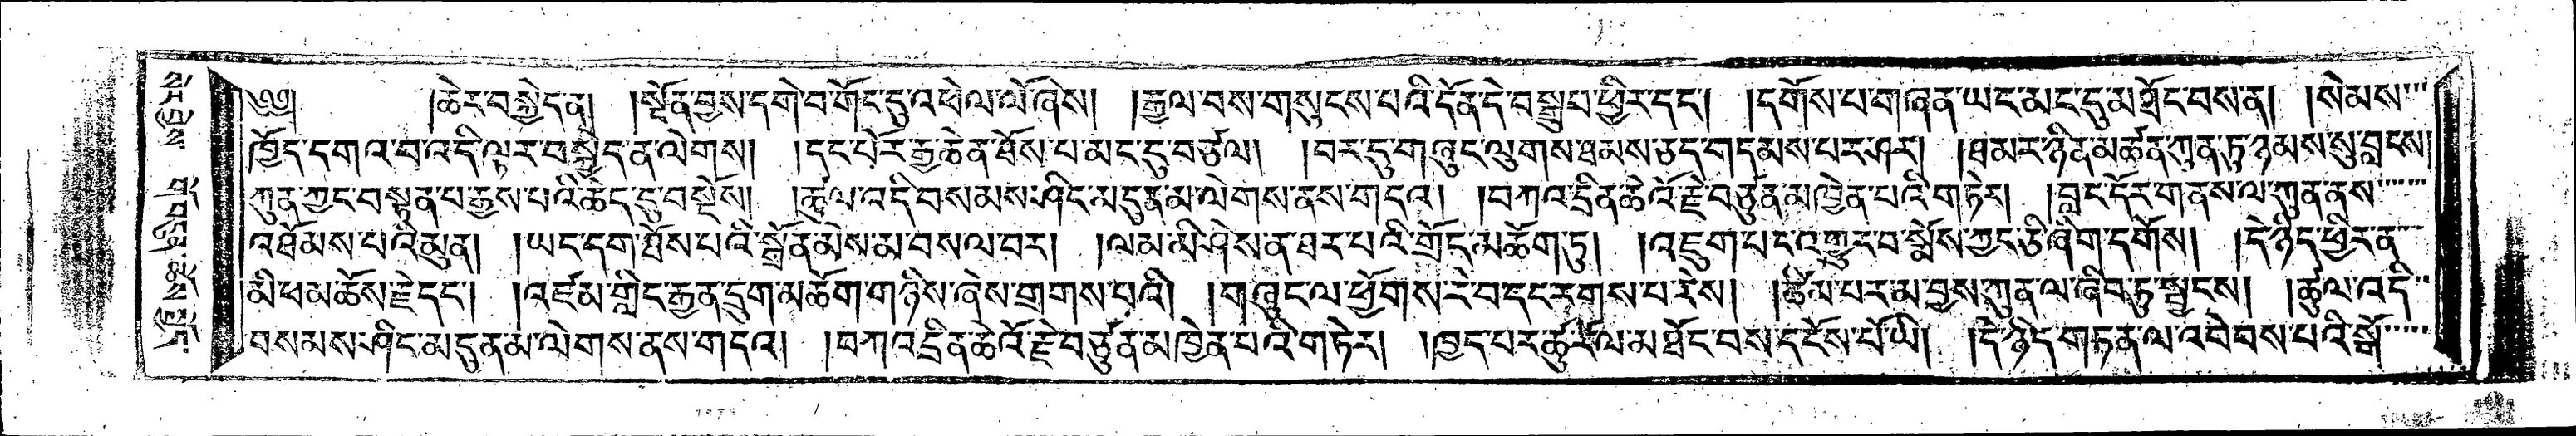༄༅། །ཆེར་བསྐྱེད་ན། །སྔོན་བྱས་དགེ་བ་གོང་དུ་འཕེལ་ལོ་ཞེས། །རྒྱལ་བས་གསུངས་པའི་དོན་དེ་བསྒྲུབ་ཕྱིར་དང་། །དགོས་པ་གཞན་ཡང་མང་དུ་མཐོང་བས་ན། །སེམས་
ཁྱོད་དགའ་བ་འདི་ལྟར་བསྐྱེད་ན་ལེགས། །དང་པོར་རྒྱ་ཆེན་ཐོས་པ་མང་དུ་བཙལ། །བར་དུ་གཞུང་ལུགས་ཐམས་ཅད་གདམས་པར་ཤར། །ཐ་མར་ཉིན་མཚན་ཀུན་ཏུ་ཉམས་སུ་བླངས།
ཀུན་ཀྱང་བསྟན་པ་རྒྱས་པའི་ཆེད་དུ་བསྔོས། །ཚུལ་འདི་བསམས་ཤིང་མདུན་མ་ལེགས་ནས་གདའ། །བཀའ་དྲིན་ཆེའོ་རྗེ་བཙུན་མཁྱེན་པའི་གཏེར། །བླང་དོར་གནས་ལ་ཀུན་ནས་
འཐོམས་པའི་མུན། །ཡང་དག་ཐོས་པའི་སྒྲོན་མེས་མ་བསལ་བར། །ལམ་མི་ཤེས་ན་ཐར་པའི་གྲོང་མཆོག་ཏུ། །འཇུག་པར་འགྱུར་བ་སྨོས་ཀྱང་ཅི་ཞིག་དགོས། །དེ་ཉིད་ཕྱིར་ན་
མི་ཕམ་ཆོས་རྗེ་དང་། །འཛམ་གླིང་རྒྱན་དྲུག་མཆོག་གཉིས་ཞེས་གྲགས་པའི། །གཞུང་ལ་ཕྱོགས་རེ་བ་དང་རགས་པ་རེས། །ཚིམ་པར་མ་བྱས་ཀུན་ལ་ཞིབ་ཏུ་སྦྱངས། །ཚུལ་འདི་
བསམས་ཤིང་མདུན་མ་ལེགས་ནས་གདའ། །བཀའ་དྲིན་ཆེའོ་རྗེ་བཙུན་མཁྱེན་པའི་གཏེར། །ཁྱད་པར་ཚུ་རོལ་མཐོང་བས་དངོས་པོ་ཡི། །དེ་ཉིད་གཏན་ལ་འབེབས་པའི་སྒོ་